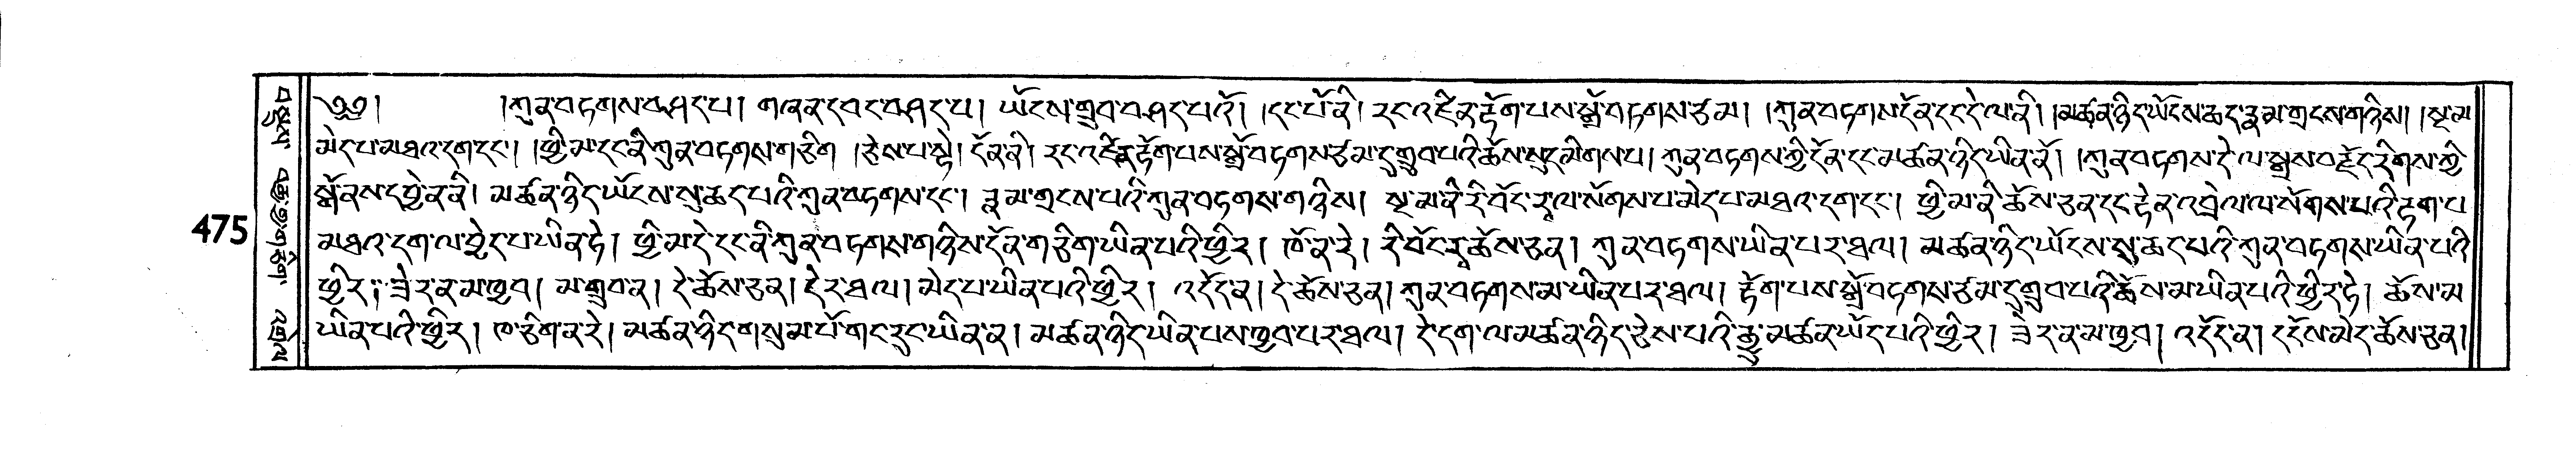༄༅། །ཀུན་བཏགས་བཤད་པ། གཞན་དབང་བཤད་པ། ཡོངས་གྲུབ་བཤད་པའོ། །དང་པོ་ནི། རང་འཛིན་རྟོག་པས་སྒྲོ་བཏགས་ཙམ། །ཀུན་བཏགས་དོན་དང་དེ་ལ་ནི། །མཚན་ཉིད་ཡོངས་ཆད་རྣམ་གྲངས་གཉིས། །སྔ་མ་
མེད་པ་མཐའ་དག་དང་། །ཕྱི་མ་དང་ནི་ཀུན་བཏགས་གཅིག །ཅེས་པ་སྟེ། དོན་ནི། རང་འཛིན་རྟོག་པས་སྒྲོ་བཏགས་ཙམ་དུ་གྲུབ་པའི་ཆོས་སུ་དམིགས་པ། ཀུན་བཏགས་ཀྱི་དོན་དང་མཚན་ཉིད་ཡིན་ནོ། །ཀུན་བཏགས་དེ་ལ་སྒྲས་བརྗོད་རིགས་ཀྱི་
སྒོ་ནས་དབྱེ་ན་ནི། མཚན་ཉིད་ཡོངས་སུ་ཆད་པའི་ཀུན་བཏགས་དང་། རྣམ་གྲངས་པའི་ཀུན་བཏགས་གཉིས། སྔ་མ་ནི་རི་བོང་རྭ་ལ་སོགས་པ་མེད་པ་མཐའ་དག་དང་། ཕྱི་མ་ནི་ཆོས་ཅན་དང་རྟེན་འབྲེལ་ལ་སོགས་པའི་རྟག་པ་
མཐའ་དག་ལ་བྱེད་པ་ཡིན་ཏེ། ཕྱི་མ་དེ་དང་ནི་ཀུན་བཏགས་གཉིས་དོན་གཅིག་ཡིན་པའི་ཕྱིར། ཁོ་ན་རེ། རི་བོང་རྭ་ཆོས་ཅན། ཀུན་བཏགས་ཡིན་པར་ཐལ། མཚན་ཉིད་ཡོངས་སུ་ཆད་པའི་ཀུན་བཏགས་ཡིན་པའི་
ཕྱིར༑ ཟེར་ན་མ་ཁྱབ། མ་གྲུབ་ན། དེ་ཆོས་ཅན། དེར་ཐལ། མེད་པ་ཡིན་པའི་ཕྱིར། འདོད་ན། དེ་ཆོས་ཅན། ཀུན་བཏགས་མ་ཡིན་པར་ཐལ། རྟོག་པས་སྒྲོ་བཏགས་ཙམ་དུ་གྲུབ་པའི་ཆོས་མ་ཡིན་པའི་ཕྱིར་ཏེ། ཆོས་མ་
ཡིན་པའི་ཕྱིར། ཁ་ཅིག་ན་རེ། མཚན་ཉིད་གསུམ་པོ་གང་རུང་ཡིན་ན། མཚན་ཉིད་ཡིན་པས་ཁྱབ་པར་ཐལ། དེ་དག་ལ་མཚན་ཉིད་ཅེས་པའི་རྒྱུ་མཚན་ཡོད་པའི་ཕྱིར། ཟེར་ན་མ་ཁྱབ། འདོད་ན། དངོས་མེད་ཆོས་ཅན།